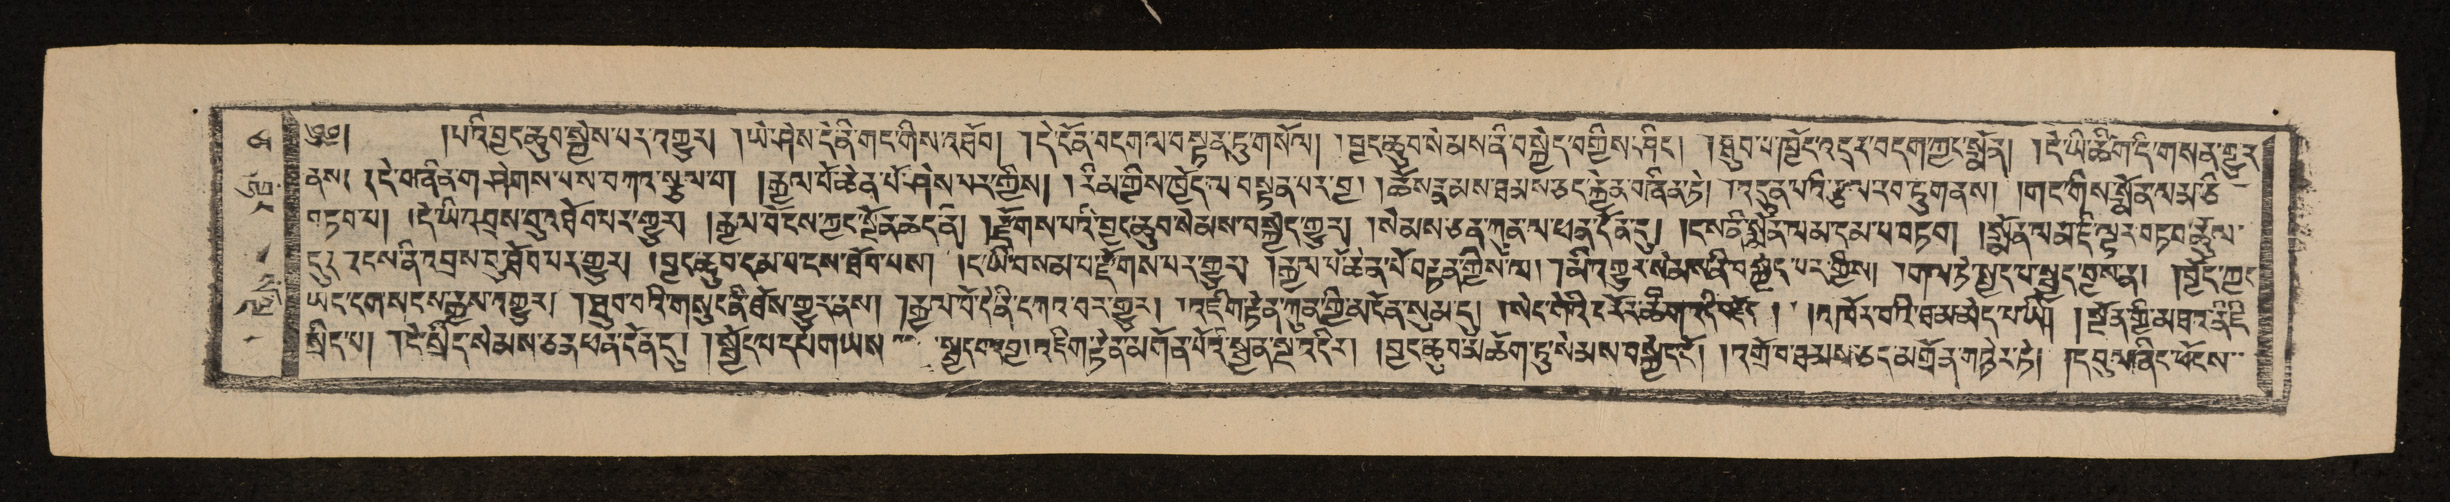༄༅། །པའི་བྱང་ཆུབ་སྐྱེས་པར་འགྱུར། །ཡེ་ཤེས་དེ་ནི་གང་གིས་འཐོབ། །དེ་དོན་བདག་ལ་བསྟན་ཏུ་གསོལ། །བྱང་ཆུབ་སེམས་ནི་བསྐྱེད་བགྱིས་ཤིང་། །ཐུབ་པ་ཁྱོད་འདྲར་བདག་ཀྱང་སྨོན། །དེ་ཡི་ཚིག་དེ་གསན་གྱུར་
ནས༑ ༑དེ་བཞིན་གཤེགས་པས་བཀའ་སྩལ་པ། །རྒྱལ་པོ་ཆེན་པོ་ཤེས་པར་གྱིས། །རིམ་གྱིས་ཁྱོད་ལ་བསྟན་པར་བྱ། །ཆོས་རྣམས་ཐམས་ཅད་རྐྱེན་བཞིན་ཏེ། །འདུན་པའི་རྩལ་རབ་ཏུ་གནས། །གང་གིས་སྨོན་ལམ་ཅི་
བཏབ་པ། །དེ་ཡི་འབྲས་བུ་འཐོབ་པར་གྱུར། །རྒྱལ་པོ་ངས་ཀྱང་སྔོན་ཆད་ནི། །རྫོགས་པའི་བྱང་ཆུབ་སེམས་བསྐྱེད་གྱུར། །སེམས་ཅན་ཀུན་ལ་ཕན་དོན་དུ། །ངས་ནི་སྨོན་ལམ་དམ་པ་བཏབ། །སྨོན་ལམ་ཇི་ལྟར་བཏབ་ཚུལ་
དུ༑ ༑ངས་ནི་འབྲས་བུ་ཐོབ་པར་གྱུར། །བྱང་ཆུབ་དམ་པ་ངས་ཐོབ་པས། །ང་ཡི་བསམ་པ་རྫོགས་པར་གྱུར། །རྒྱལ་པོ་ཆེན་པོ་བརྟན་གྱིས་ལ། །མི་འགྱུར་སེམས་ནི་བསྐྱེད་པར་གྱིས། །གལ་ཏེ་སྤྱོད་པ་སྤྱད་བྱས་ན། །ཁྱོད་ཀྱང་
ཡང་དག་སངས་རྒྱས་འགྱུར། །ཐུབ་པའི་གསུང་ནི་ཐོས་གྱུར་ནས། །རྒྱལ་པོ་དེ་ནི་དགའ་བར་གྱུར། །འཇིག་རྟེན་ཀུན་གྱི་མངོན་སུམ་དུ། །སེང་གེའི་ང་རོར་ཚིག་འདི་བརྗོད། །འཁོར་བའི་ཐ་མ་མེད་པ་ཡི། །སྔོན་གྱི་མཐའ་ནི་ཇི་
སྲིད་པ། །དེ་སྲིད་སེམས་ཅན་ཕན་དོན་དུ། །སྤྱོད་པ་དཔག་ཡས་སྤྱད་པར་བྱ། །འཇིག་རྟེན་མགོན་པོའི་སྤྱན་སྔ་འདིར། །བྱང་ཆུབ་མཆོག་ཏུ་སེམས་བསྐྱེད་དོ། །འགྲོ་བ་ཐམས་ཅད་མགྲོན་གཉེར་ཏེ། །དབུལ་ཞིང་ཕོངས་